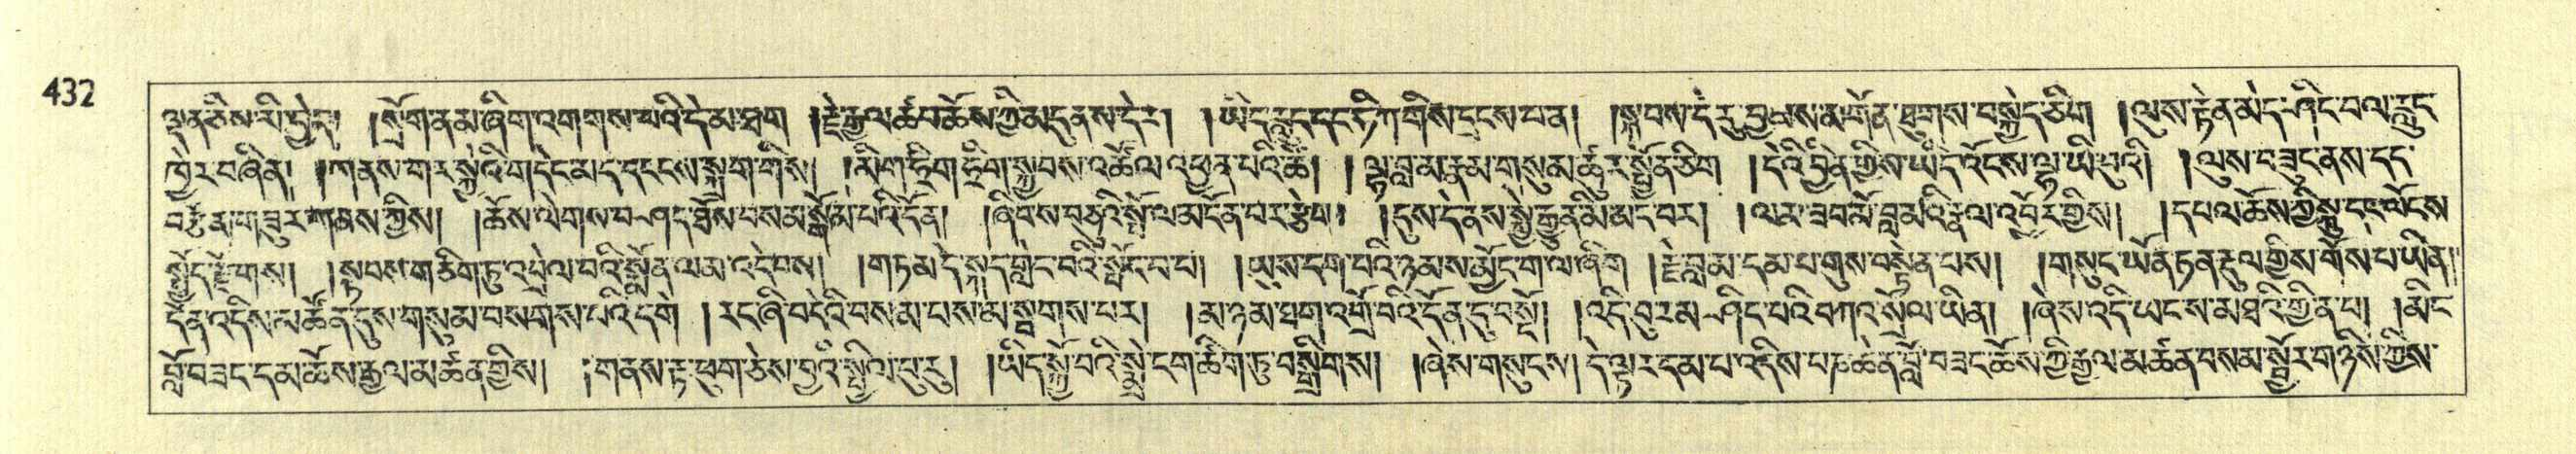ལྡན་ཅིས་མི་བྱེད། །སྲོག་ནམ་ཞིག་འགགས་པའི་དེ་མ་ཐག །རྗེ་རྒྱལ་ཚབ་ཆོས་ཀྱི་མདུན་ས་དེར། །ཡིད་རླུང་དང་ཧིཀ་གིས་དྲངས་པ་ན། །སྐབས་དེ་རུ་བྱམས་མགོན་ཐུགས་བསྐྱེད་ཅིག །ལུས་རྟེན་མེད་ཤིང་བལ་རླུང་
ཁྱེར་བཞིན། །གནས་གར་སྐྱེའི་གདེང་མད་དངངས་སྐྲག་གིས། །མིག་ཧྲིག་ཧྲིག་སྐྱབས་འཚོལ་འཕྱན་པའི་ཚེ། །ལྷ་བླ་མ་རྣམ་གསུམ་ཚུར་སྤྱོན་ཅིག །དེའི་བྱིན་གྱིས་ཡིད་འོངས་ལྷ་ཡི་བུའི། །ལུས་བཟུང་ནས་དད་
བརྩོན། གཟུར་གནས་ཀྱིས། །ཆོས་ལེགས་བཤད་ཐོས་བསམ་སྒོམ་པའི་དོན། །ཞི་བ་ས་བཅུའི་སྤོ་ལ་མངོན་པར་རྩེག། །དུས་དེ་ནས་སྐྱེ་རྒྱུན་མི་མང་བར། །ལམ་ཟབ་མོ་བླ་མའི་རྣལ་འབྱོར་གྱིས། །དཔལ་ཆོས་ཀྱི་སྐུ་དང་ལོངས་
སྤྱོད་རྫོགས། །སྟབས་གཅིག་ཏུ་འབྲེལ་བའི་སྨོན་ལམ་འདེབས། །གཏམ་དེ་སྐད་གླེང་བའི་སྤོང་བ་པ། །ཡུས་དག་པའི་ཉམས་མྱོང་ག་ལ་ཞིག །རྗེ་བལ་མ་དམ་པ་གུས་བསྟེན་པས། །གསུང་ཡོན་ཏན་རྡུལ་གྱིས་གསོ་པ་ཡིན། །
དོན་འདིས་མཚོན་དུས་གསུམ་བསགས་པའི་དགེ། རང་ཞི་བདེའི་བསམ་པས་མ་སྦགས་པར། །མ་ཉག་ཐག་འགྲོ་བའི་དོན་དུ་བསྔོ། །འདི་བུ་རམ་ལྴིང་པའི་བཀའ་སྲོལ་ཡིན། །ཞེས་འདི་ཡང་ས་མཐའི་གྱི་ན་པ། །མིང་
བློ་བཟང་དམ་ཆོས་རྒྱལ་མཚན་གྱིས། །གནས་རྟ་ཕུག་ཅེས་བྱའི་སྤྱིལ་པུ་རུ། །ཡིད་སྐྱོ་བའི་སྨྲེ་ངག་ཚིག་ཏུ་བསྒྲིགས། །ཞེས་གསུངས། དེ་ལྟར་དམ་པ་འདིས་པཎ་ཆེན་བློ་བཟང་ཆོས་ཀྱི་རྒྱལ་མཚན་བསམ་སྦྱོར་གཉིས་ཀྱིས་